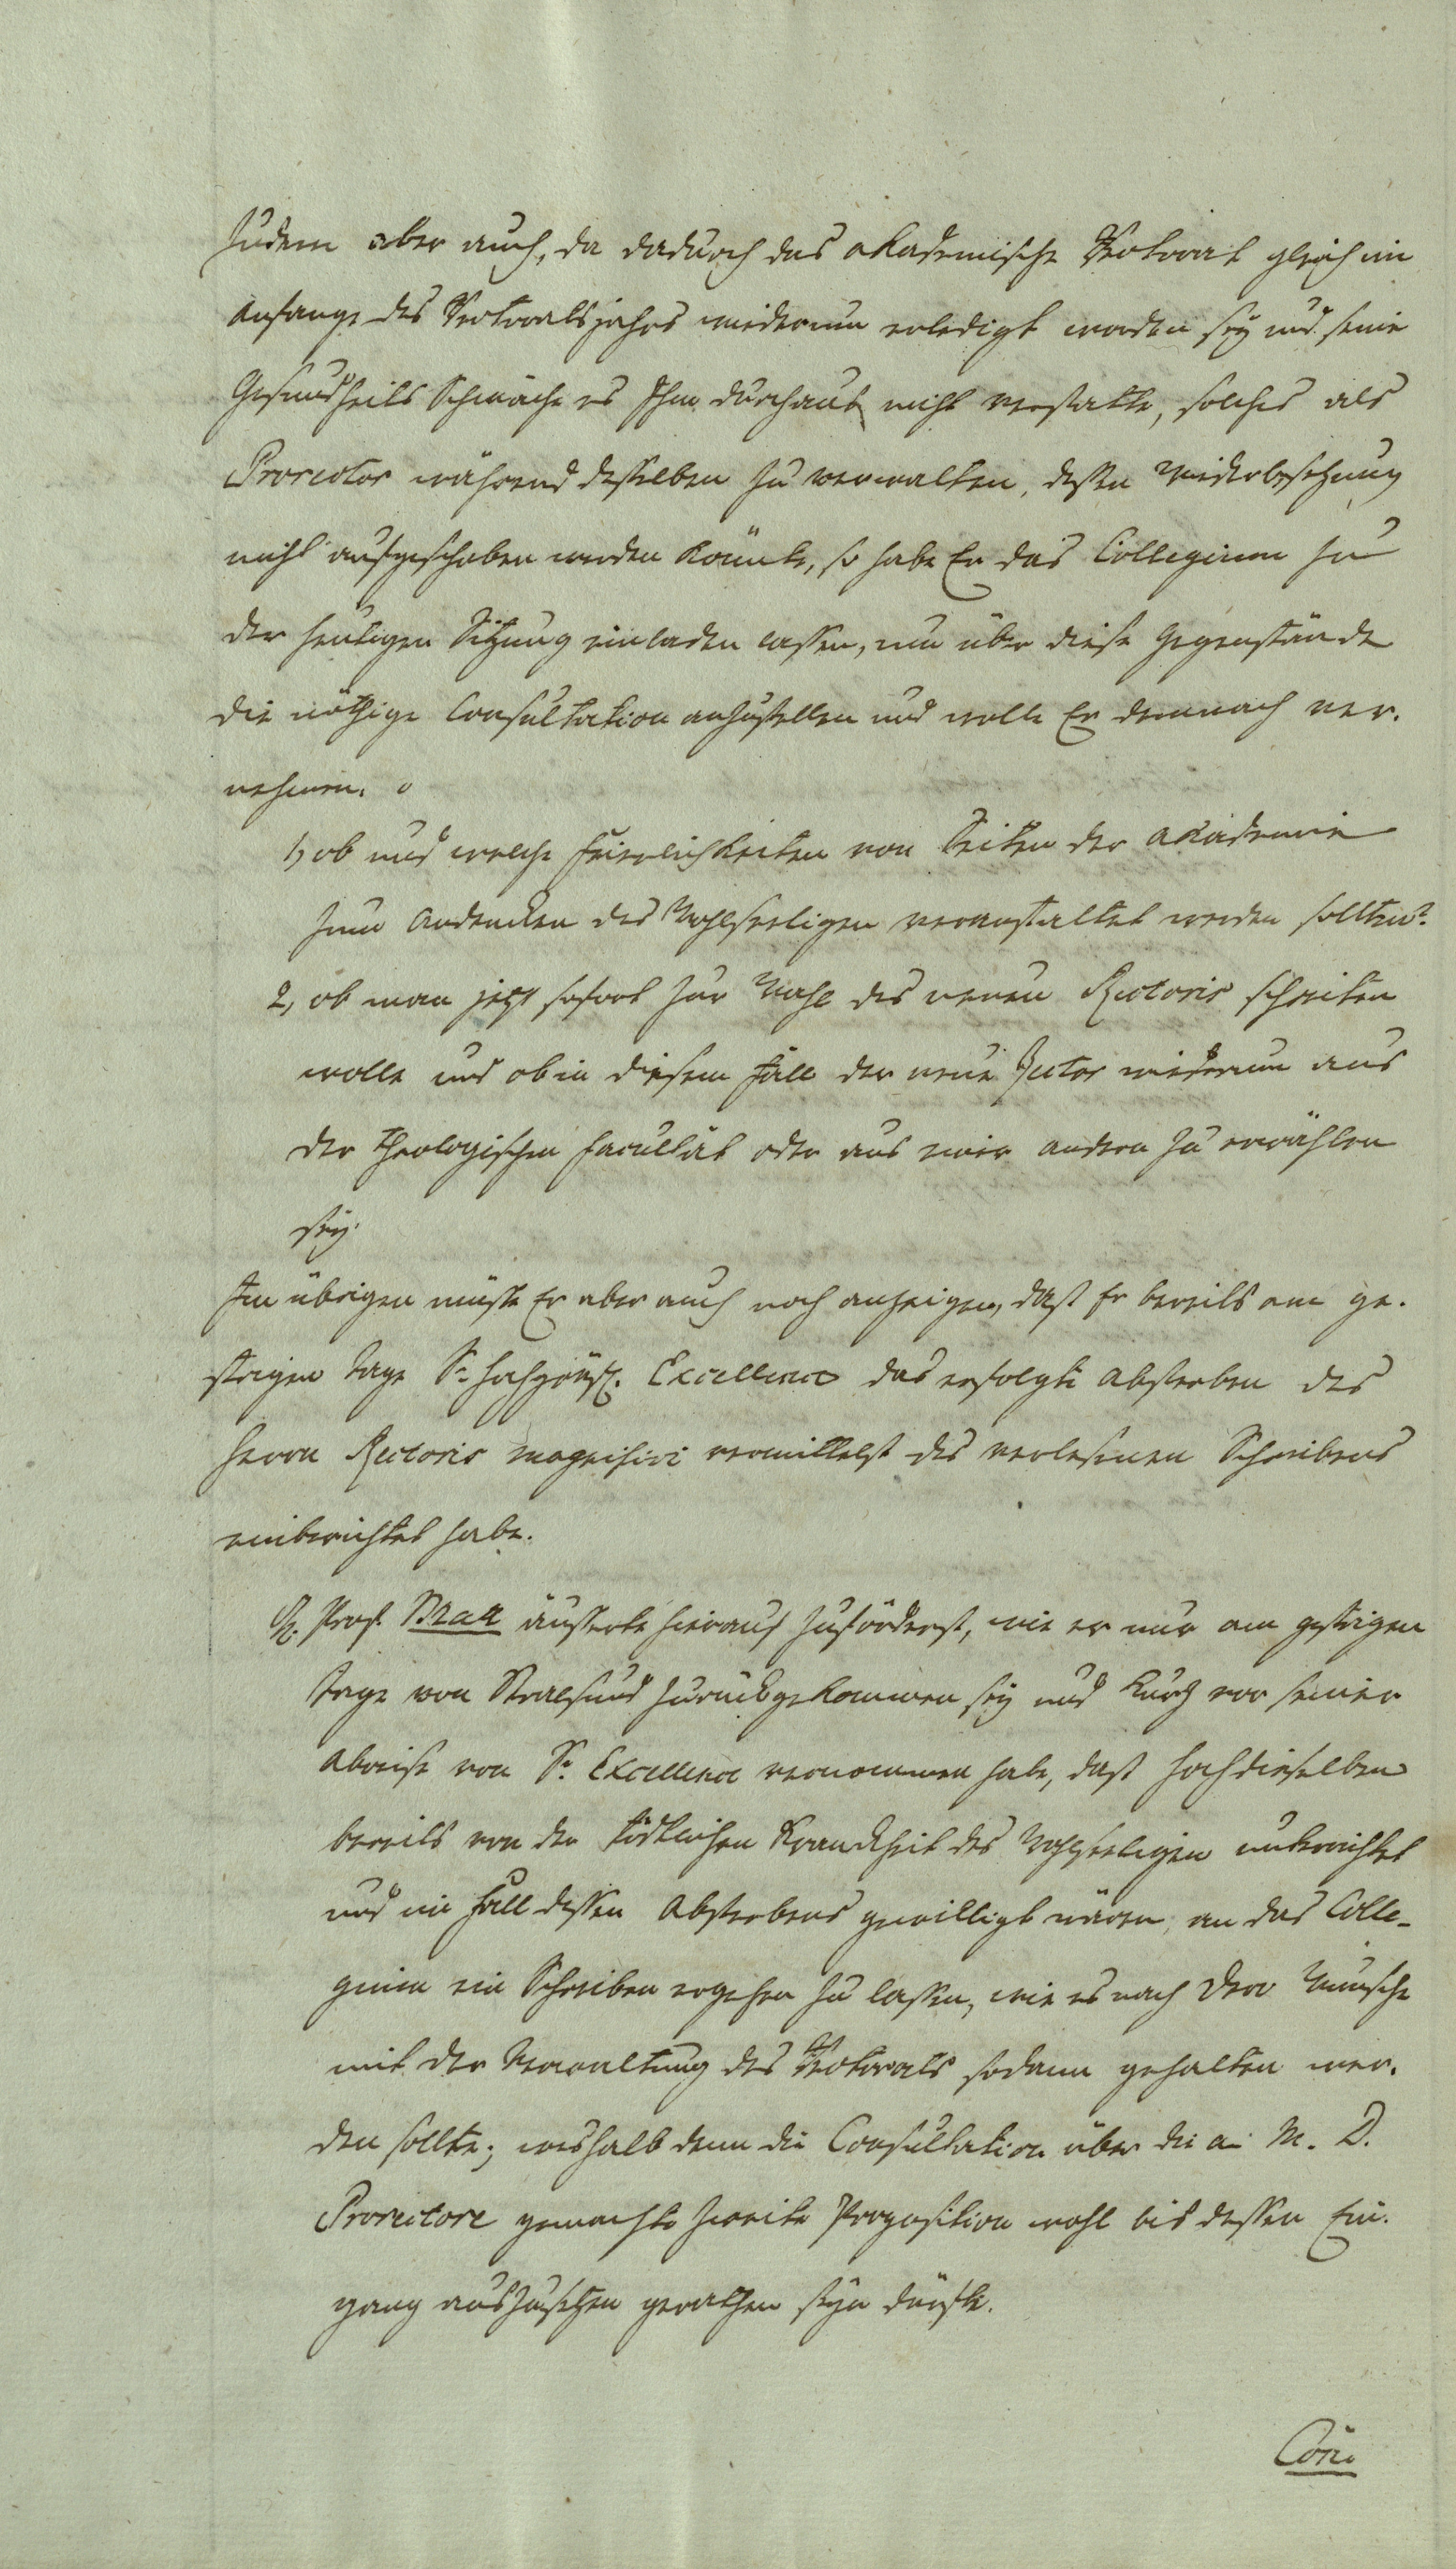zudem aber auch, da dadurch das akademische Rectorat gleich im
Anfange des Rectoratsjahrs wiederum erledigt worden seÿ und seine
Gesundheits Schwäche es Ihm durchaus nicht verstatte, solches als
Prorector während desselben zu verwalten, dessen Wiederbesetzung
nicht aufgeschoben werden könnte, so habe Er das Collegium zu
der heutigen Sitzung einladen lassen, um über diese Gegenstände
die nöthige Consultation anzustellen und wolle Er demnach ver¬
nehmen,
1, ob und welche Feierlichkeiten von Seiten der Akademie
zum Andenken des Wohlseeligen veranstaltet werden sollten?
2, ob man jetzt sofort zur Wahl des neuen Rectoris schreiten
wolle und ob in diesem Fall der neue Rector wiederum aus
der Theologischen Facultät oder aus einer andern zu erwählen
seÿ.
Im übrigen müsse Er aber auch noch anzeigen, daß Er bereits am ge¬
strigen Tage Sr. hochgräfl. Excellence das erfolgte Absterben des
herrn Rectoris Magnifici vermittelst des verlesenen Schreibens
einberichtet habe.
dh. Prof. Bratt äusserte hierauf zuförderst, wie er nur am gestrigen
Tage von Stralsund zurückgekommen seÿ und kurz vor seiner
Abreise von Sr. Excellence vernommen habe, daß hochdieselben
bereits von der tödtlichen Kranckheit des Wohlseeligen unterrichtet
und im Fall dessen Absterbens gewilligt wären, an das Colle¬
gium ein Schreiben ergehen zu lassen, wie es nach dero Wunsche
mit der Verwaltung des Rectorats sodann gehalten wer¬
den sollte; weshalb denn die Consultation über die a M. D.
Prorectore gemachte zweite Proposition wohl bis dessen Ein¬
gang auszusetzen gerathen seÿn dürfte.
Con